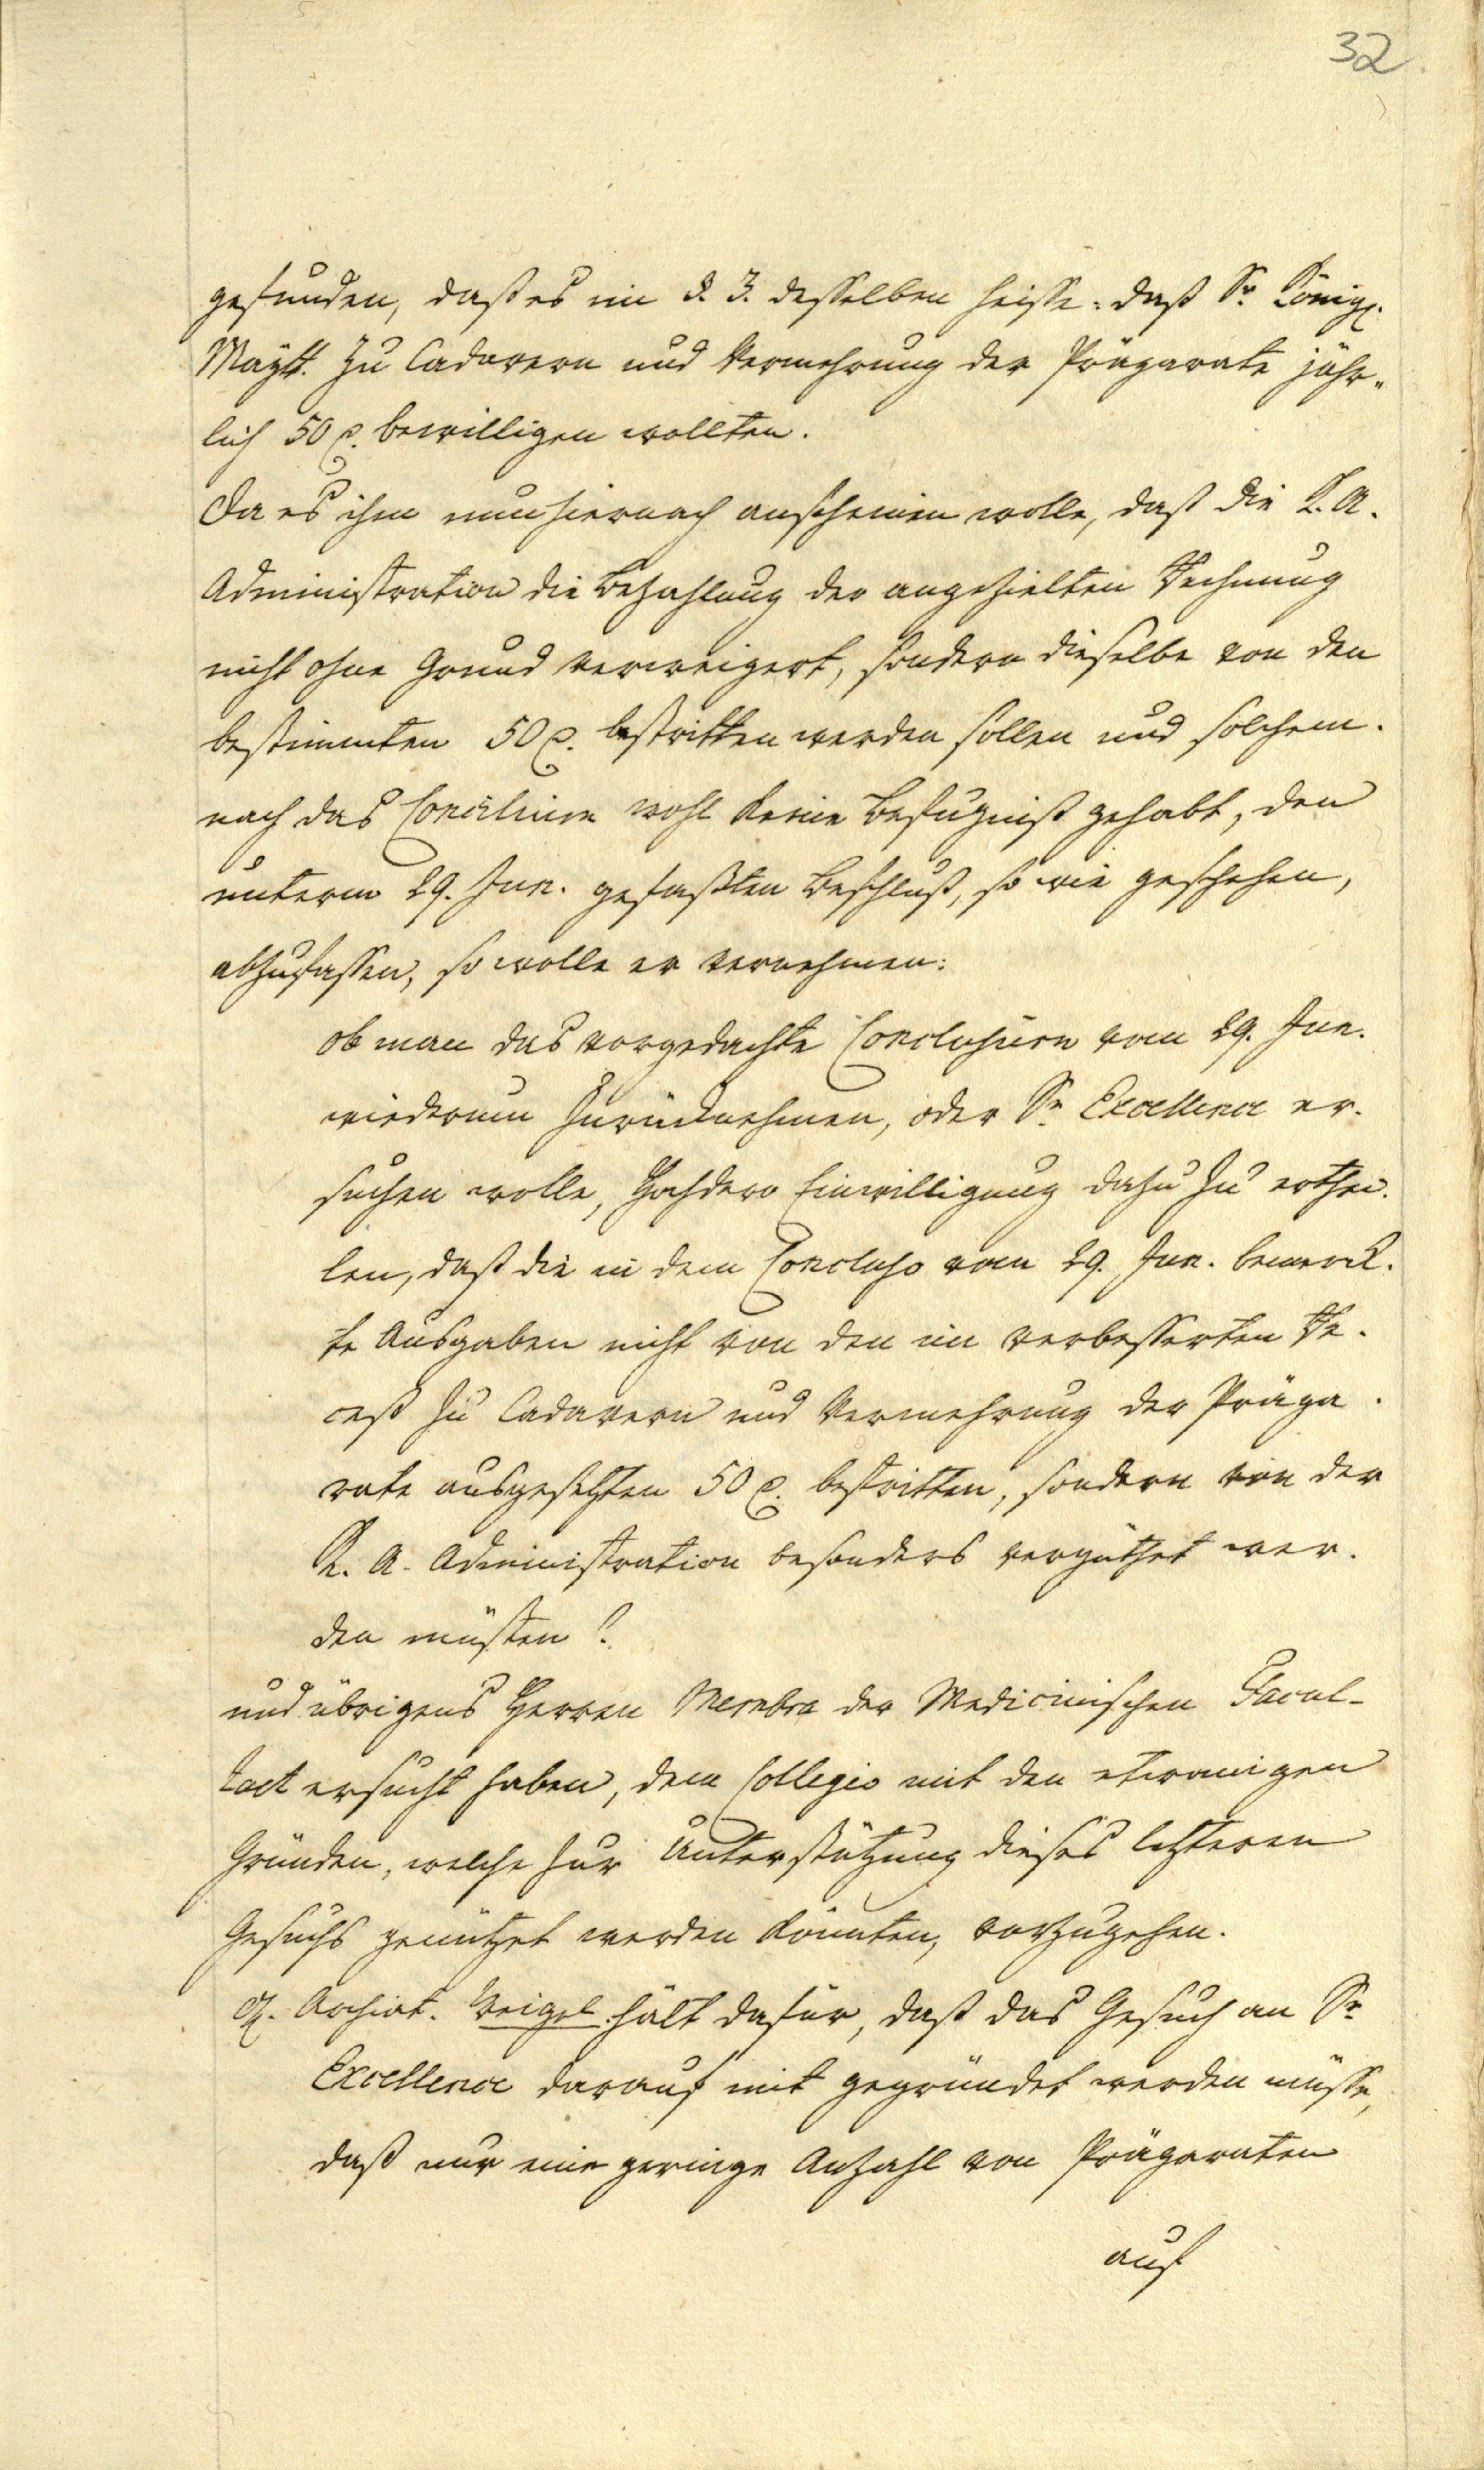gefunden, daß es im § 3. desselben heisse: daß Sr. Königl.
Maÿtt. zu Cadavern und Vermehrung der Präparate jähr¬
lich 50 l. bewilligen wollten.
Da es ihm nun hiernach anscheinen wolle, daß die K. A.
Administration die Bezahlung der angezielten Rechnung
nicht ohne Grund verweigert, sondern dieselbe von den
bestimmten 50 l. bestritten werden sollen und solchem
nach das Concilium wohl keine Befugniß gehabt, den
unterm 29. Jun. gefaßten Beschluß, so wie geschehen,
abzulassen, so wolle er vernehmen:
ob man das vorgedachte Conclusum vom 29. Jun.
wiederum zurücknehmen, oder Sr. Excellence er¬
suchen wolle, Hochdero Einwilligung dahin zu erthei¬
len, daß die in dem Concluso vom 29. Jun. bemerck¬
te Ausgaben nicht von den im verbesserten Re¬
ceß zu Cadavern und Vermehrung der Präpa¬
rate ausgesetzten 50 l. bestritten, sondern von der
K. A. Administration besonders vergüthet wer¬
den müsten.
und übrigens Herren Membra der Medicinischen Facul¬
taet ersucht haben, dem Collegio mit den etwanigen
Gründen, welche für Unterstützung dieses letzteren
Gesuchs genützet werden könnten, vorzugehen.
dh. Archiat. Weigel hält dafür, daß das Gesuch an Sr.
Excellence darauf mit gegründet werden müsse,
daß nur eine geringe Anzahl von Präparaten
auf